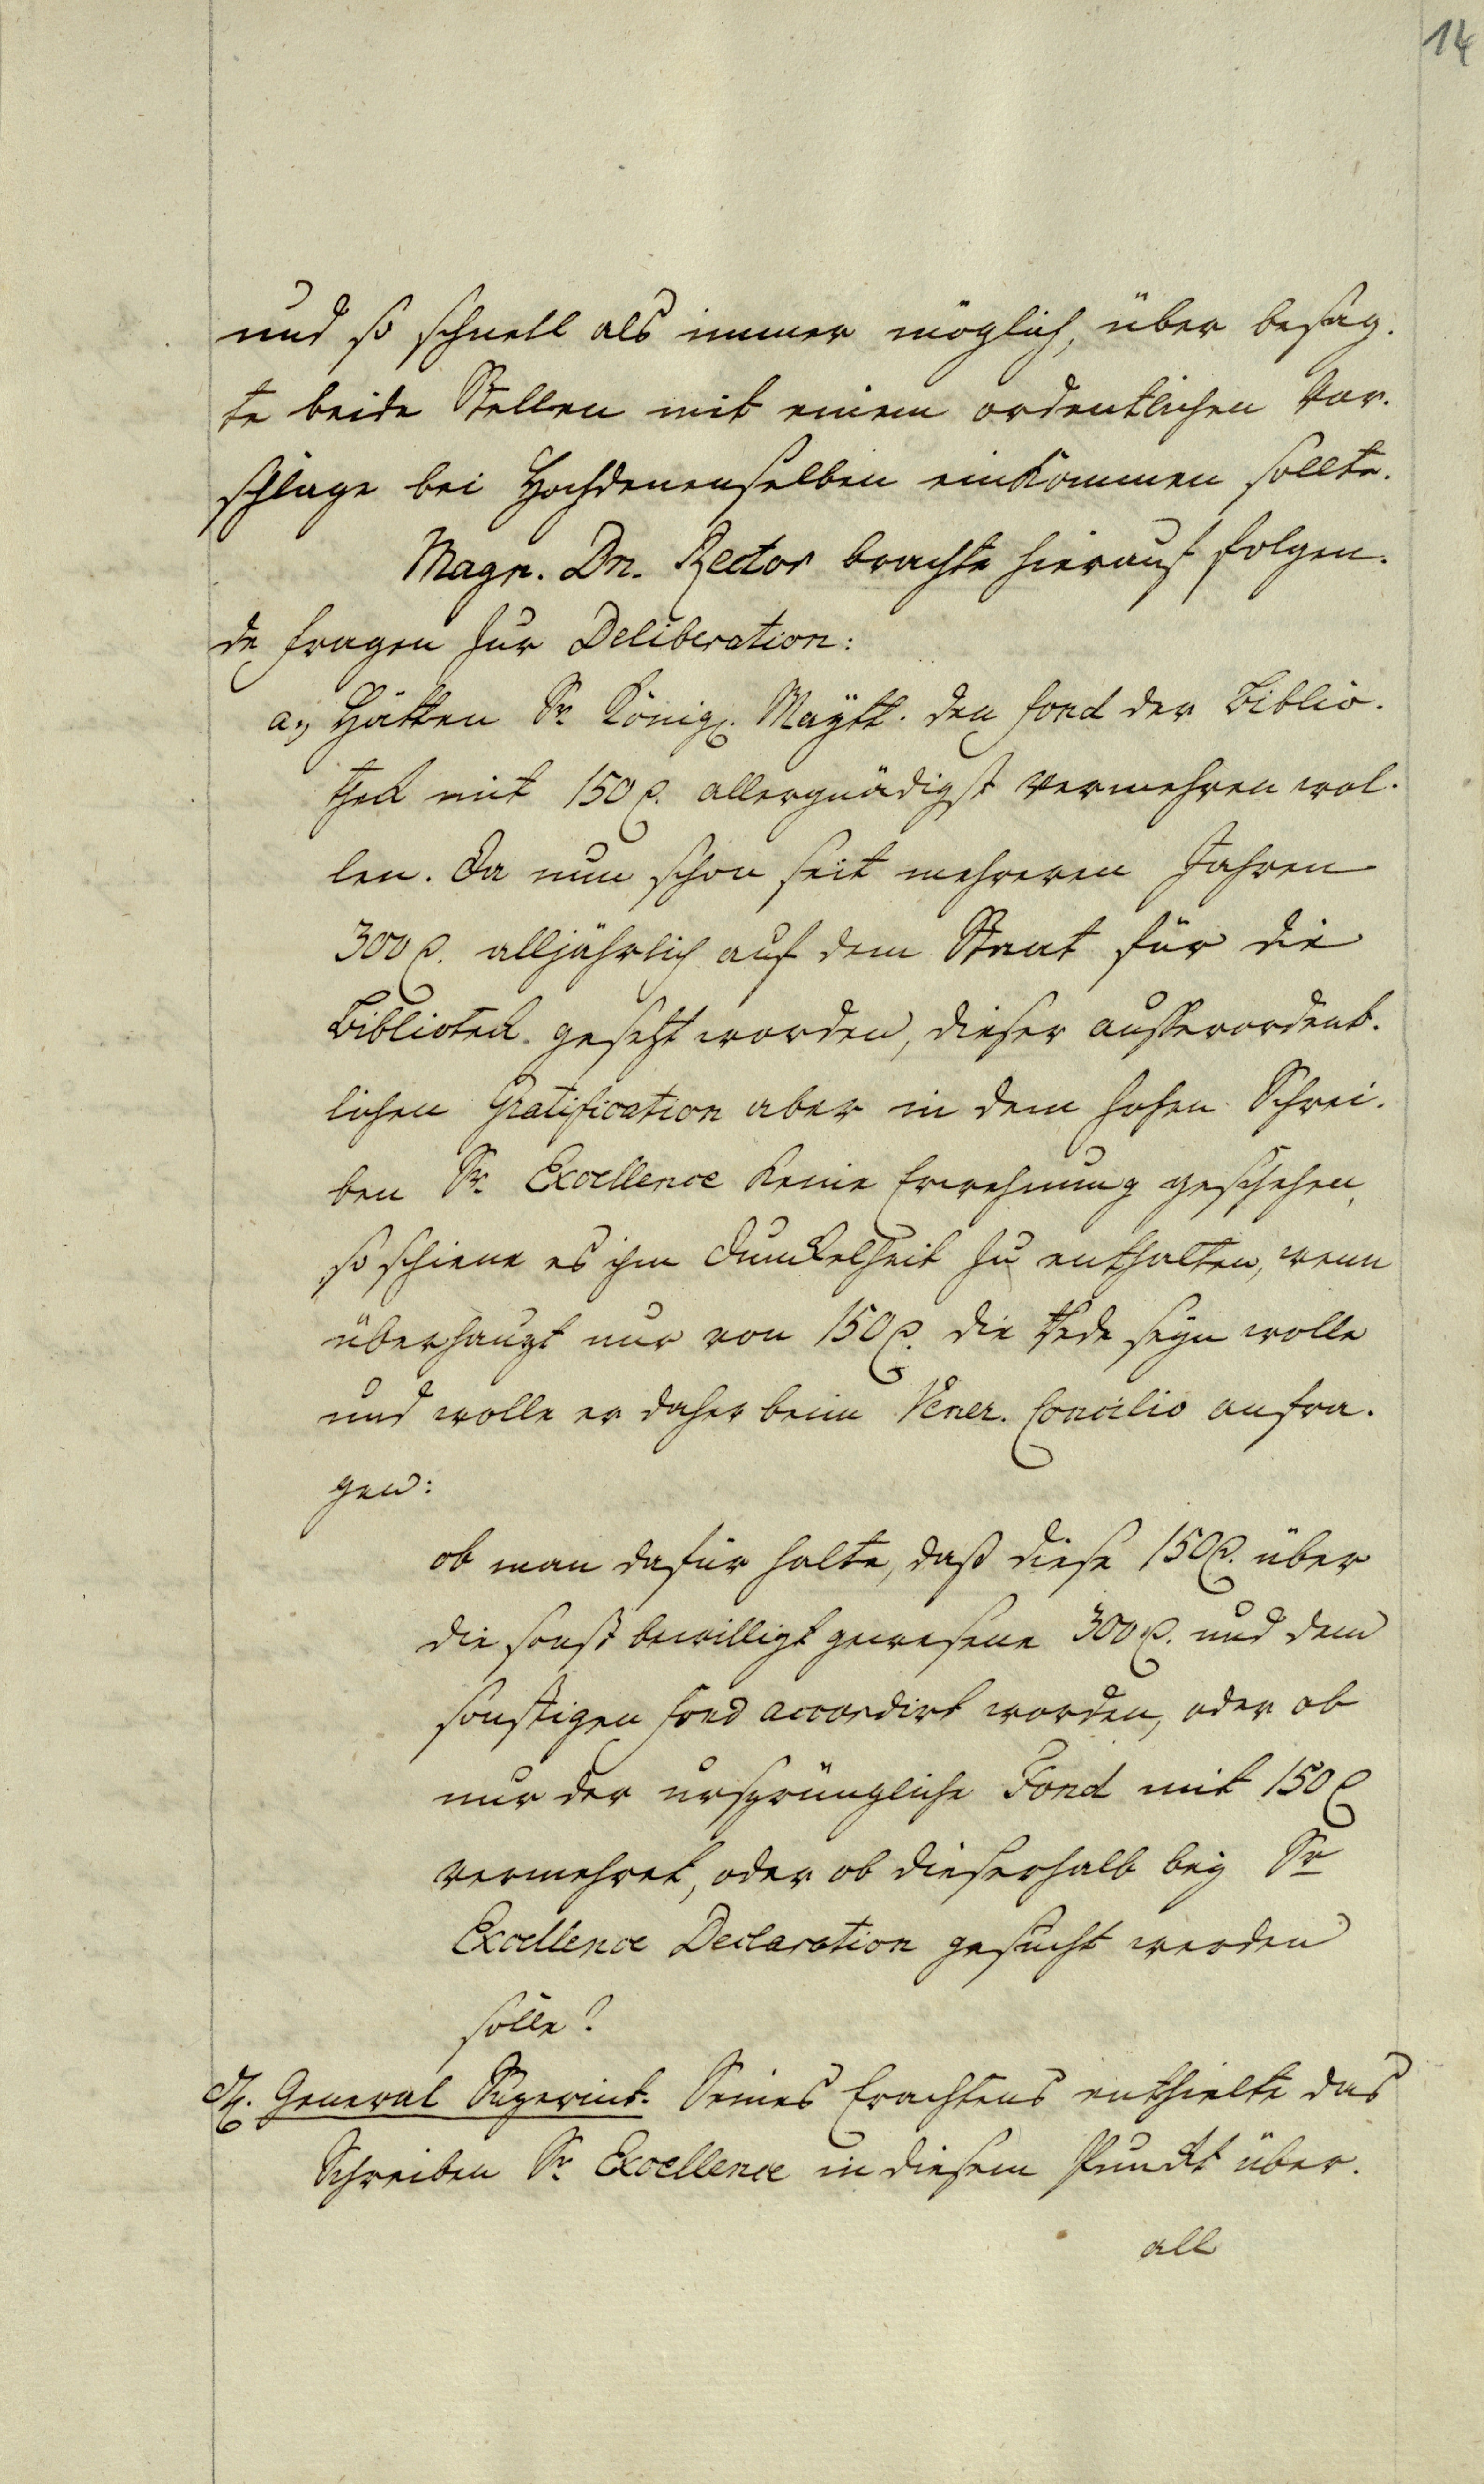und so schnell als immer möglich, über besag¬
te beide Stellen mit einem ordentlichen Vor¬
schlage bei Hochdenenselben einkommen sollte.
Magn. Dn. Rector brachte hierauf folgen¬
de Fragen zur Deliberation:
a., Hätten Sr. Königl. Maÿst. den Fond der Biblio¬
thek mit 150 rtl. allergnädigst vermehren wol¬
len. Da nun schon seit mehreren Jahren
300 rtl. alljährlich auf dem Staat für die
Bibliotek gesetzt worden, dieser ausserordent¬
lichen Gratification aber in dem Hohen Schrei¬
ben Sr. Excellence keine Erwehnung geschehen,
so schiene es ihm Dunkelheit zu enthalten, wenn
überhaupt nur von 150 rtl. die Rede seÿn wolle
und wolle er daher beim Vener. Concilio anfra¬
gen:
ob man dafür halte, daß diese 150 rtl. über
die sonst bewilligt gewesen 300 rtl. und dem
sonstigen Fond accordirt worden, oder ob
nur der ürsprüngliche Fond mit 150 rtl
vermehret, oder ob dieserhalb beÿ Sr
Excellence Declaration gesucht werden
solle?
dh. General Superint. Seines Erachtens enthielte das
Schreiben Sr Excellence in diesem Punkt über¬
all